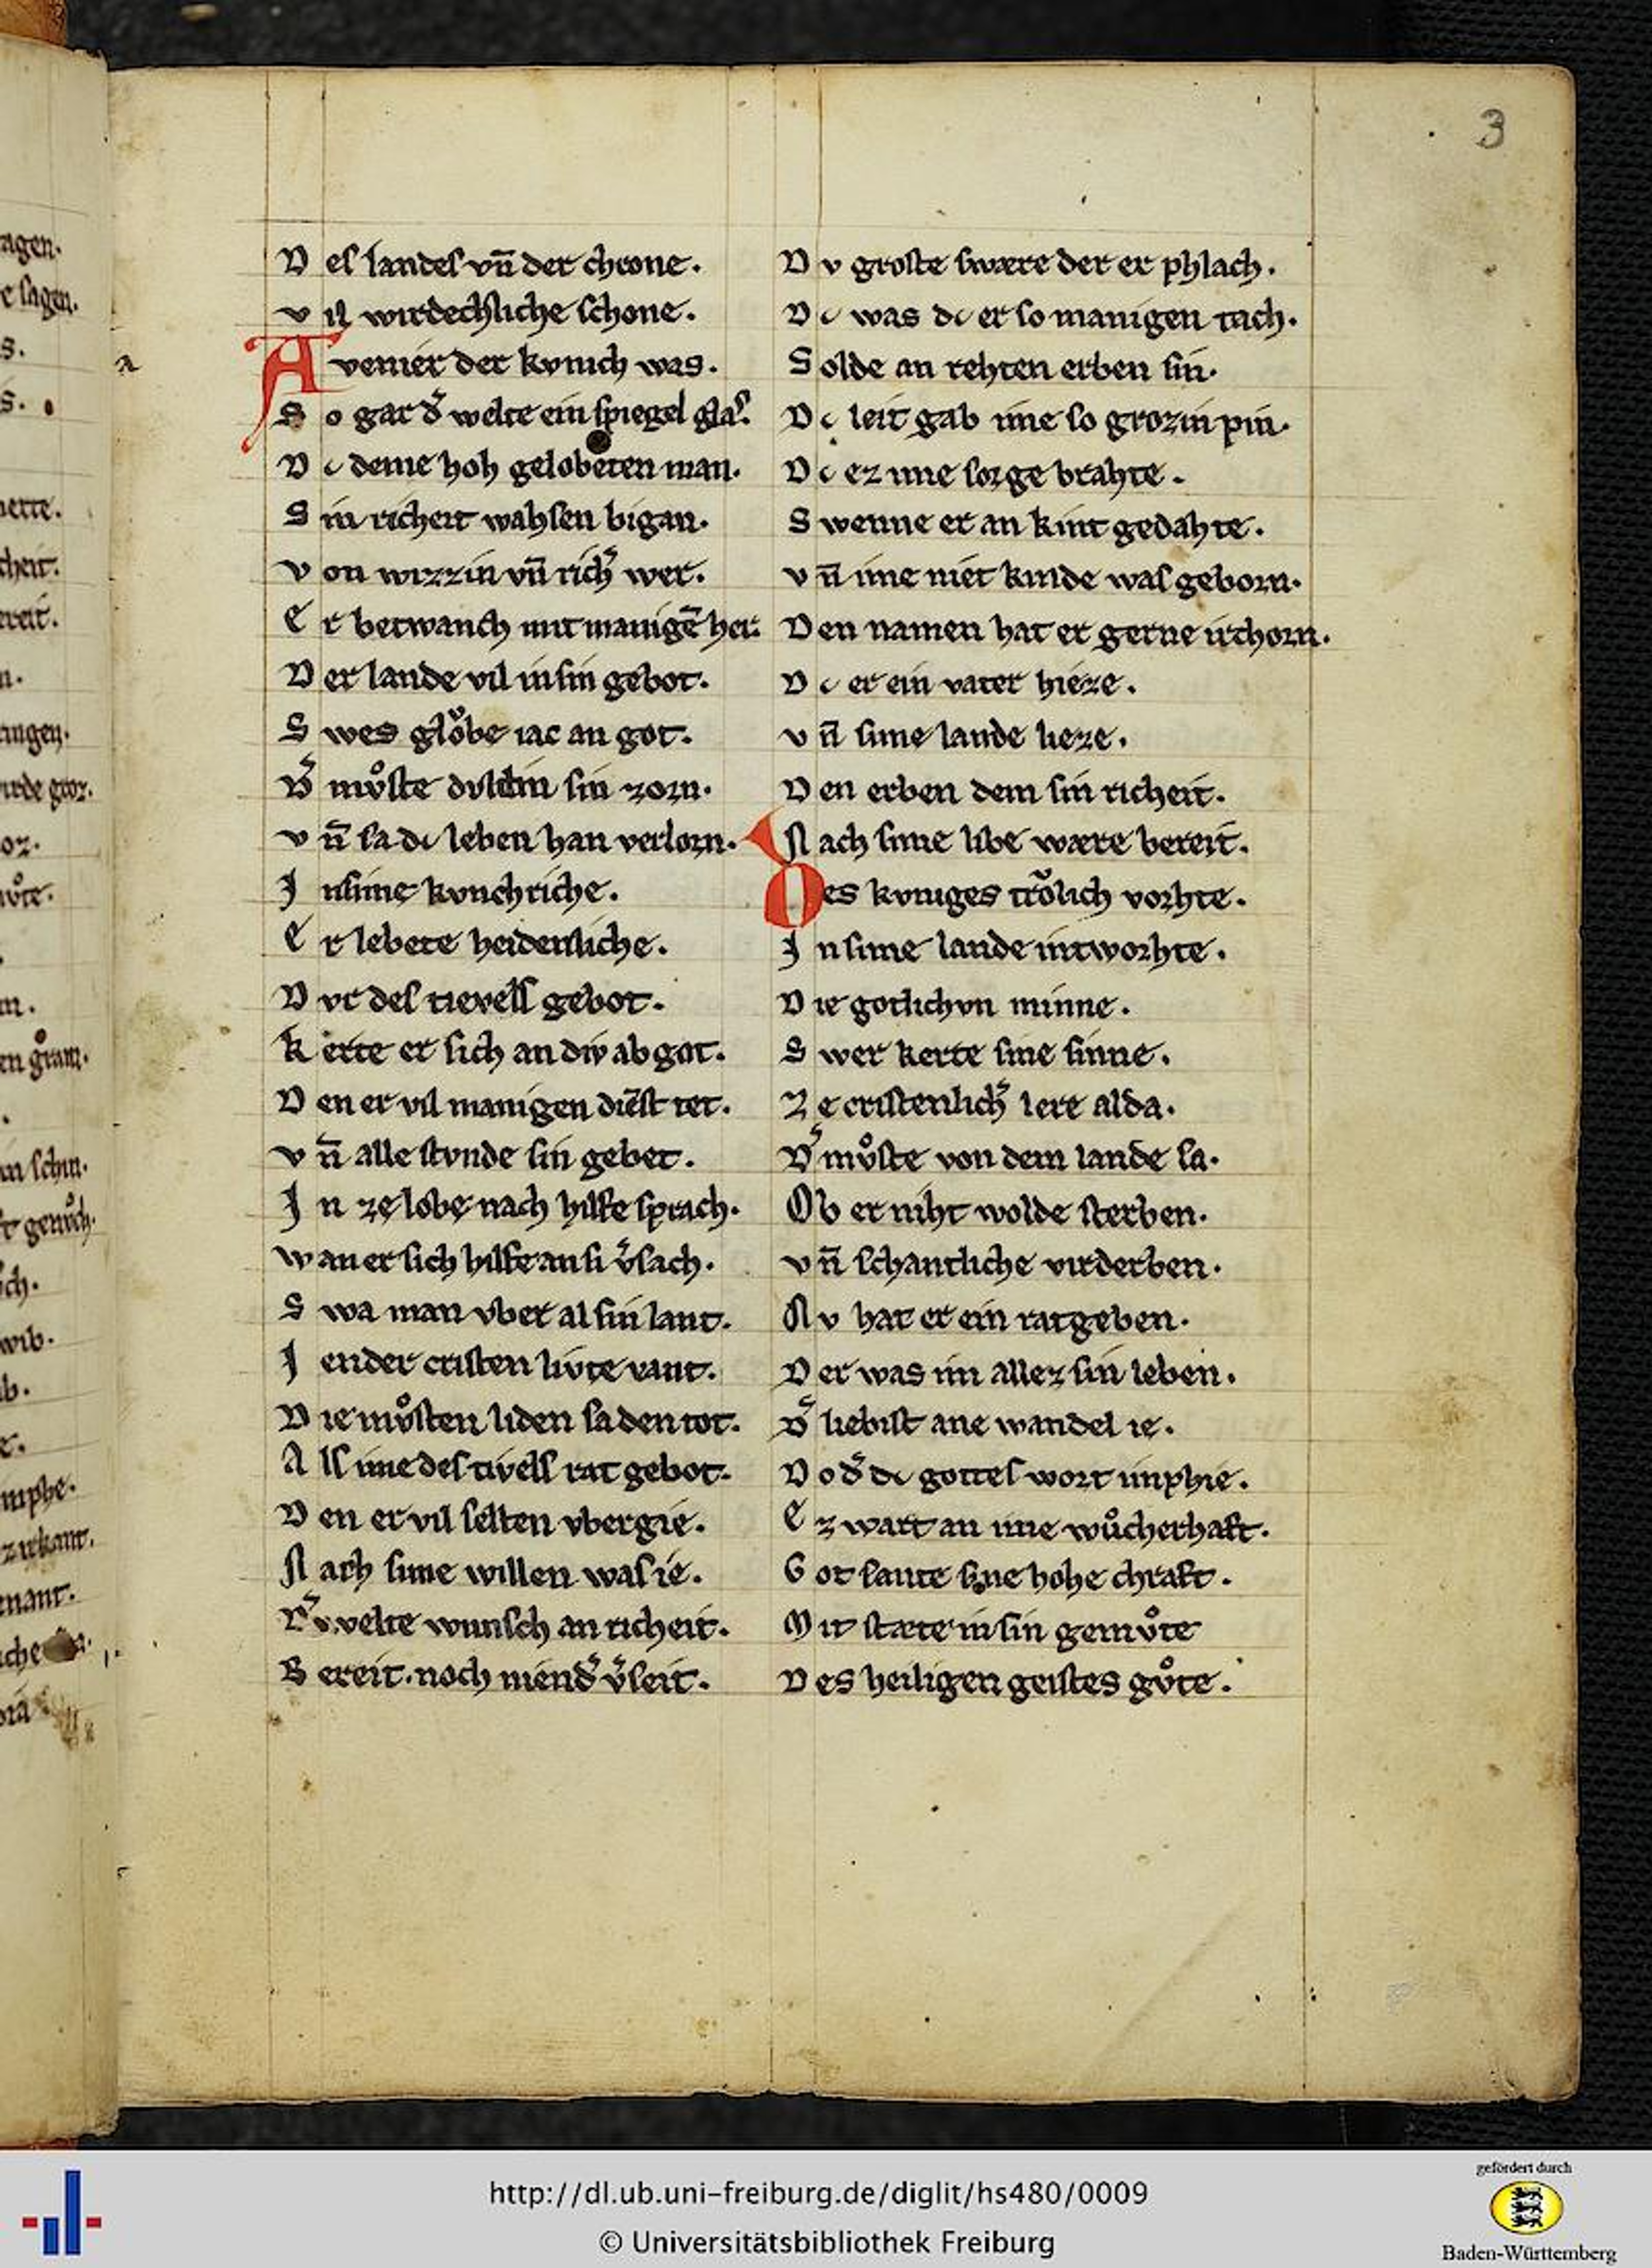Deſ landeſ vn(d) der chrone.
Vil wirdechliche ſchone.
*Avenier der kvnich was.
So gar d(er) welte ein ſpiegel gla°(ſ).
D(az) deme hoh gelobeten man.
Sin richeit wahſen bigan.
Von wizzin vn(d) rich(er) wer.
Er betwanch mit manige(m) her.
Der lande vil in ſin gebot.
Swes glo°vbe iac an got.
D(er) mv°oſte dvldin ſin zorn.
Vn(d) ſa d(az) leben han verlorn.
Inſime kvnchriche.
Er lebete heidenliche.
Dvr deſ tievelſ gebot.
Kerte er ſich an div abgot.
Den er vil manigen die(n)ſt tet.
Vn(d) alle ſtvnde ſin gebet.
In ze lobe nach hilfe ſprach.
Wan er ſich hilfe an ſi v(er)ſach.
Swa man vber al ſin lant.
Iender criſten livte vant.
Die mv°oſten liden ſa den tot.
Alſ ime deſ tiuvelſ rat gebot.
Den er vil ſelten vbergie.
Nach ſime willen waſ ie.
D(er) welte wunſch an richeit.
Bereit. noch niend(er) v(er)ſeit.
Dv groſte ſw[ae]re der er phlach.
D(az) was d(az) er ſo manigen tach.
Solde an rehten erben ſin.
D(az) leit gab ime ſo grozin pin.
D(az) ez ime ſorge brahte.
Swenne er an kint gedahte.
Vn(d) ime niet kinde waſ geborn.
Den namen hat er gern irchorn.
D(az) er ein vater hieze.
Vn(d) ſime lande lieze.
Den erben dem ſin richeit.
Nach ſime libe w[ae]re bereit.
*Des kvniges tro°vlich vorhte.
In ſime lande intworhte.
Die gotlichvn minne.
Swer kerte ſine ſinne.
Ze criſtenlich(er) lere alda.
D(er) mv°oſte von dem lande ſa.
Ob er niht wolde ſterben.
Vn(d) ſchantliche virderben.
Nv hat er ein ratgeben.
Der was im allez ſin leben.
D(er) liebiſt ane wandel ie.
Do d(er) d(az) gotteſ wort imphie.
Ez wart an ime wu°ocherhaft.
Got ſante ſine hohe chraft.
Mit ſt[ae]te in ſin gemv°ote
Des heiligen geiſtes gv°ote.